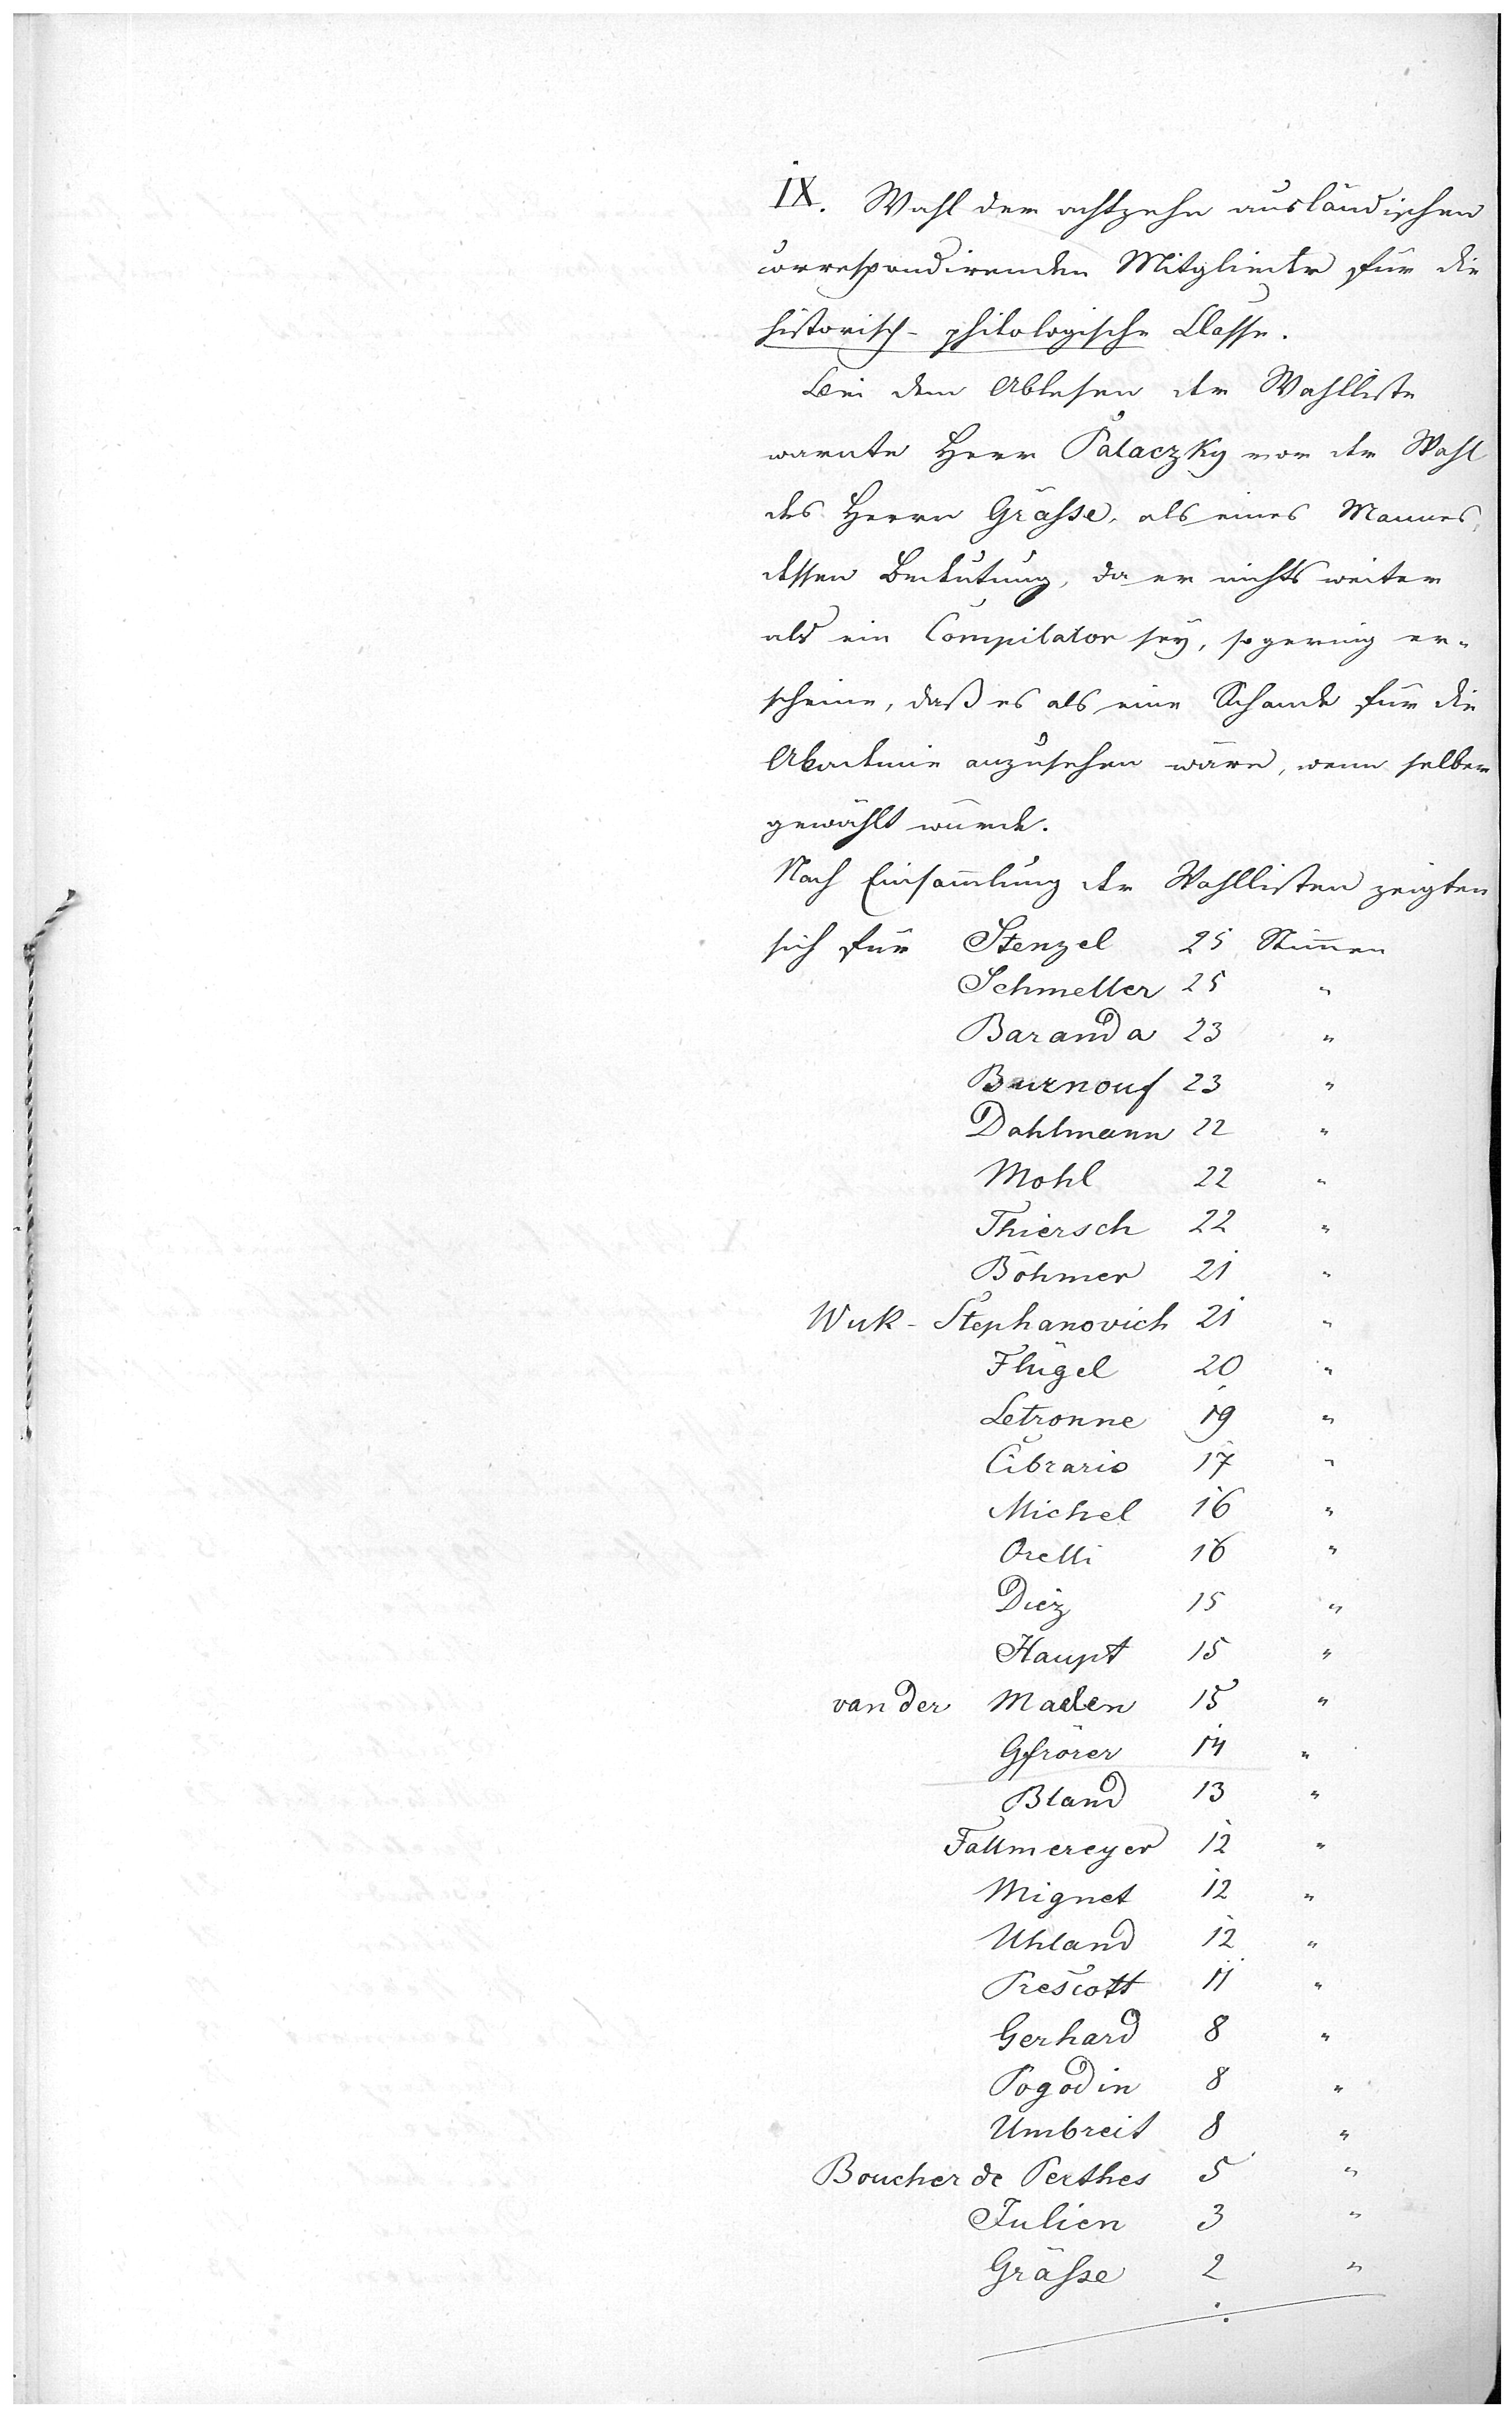IX. Wahl der achtzehn ausländischen
correspondirenden Mitglieder für die
historisch-philologische Classe.
Bei dem Ablesen der Wahlliste
warnte Herr Palaczky vor der Wahl
des Herrn Grässe, als eines Mannes,
dessen Bedeutung, da er nichts weiter
als ein Compilator sey, so gering er-
scheine, daß es als eine Schande für die
Akademie anzusehen wäre, wenn selber
gewählt würde.
Nach Einsammlung der Wahllisten zeigten
sich für Stenzel 25 Stimmen
Schmeller 25 "
Barranda 23 "
Burnouf 23 "
Dahlmann 22 "
Mohl 22 "
Thiersch 22 "
Böhmer 21 "
Wuk-Stephanovich 21 "
Flügel 20 "
Letronne 19 "
Cibrario 17 "
Michel 16 "
Orelli 16 "
Diez 15 "
Haupt 15 "
van der Maelen 15 "
Gfrörer 14 "
Bland 13 "
Fallmereyer 12 "
Mignet 12 "
Uhland 12 "
Prescott 11 "
Gerhard 8 "
Pogodin 8 "
Umbreit 8 "
Boucher de Perthes 5 "
Julien 3 "
Grässe 2 "